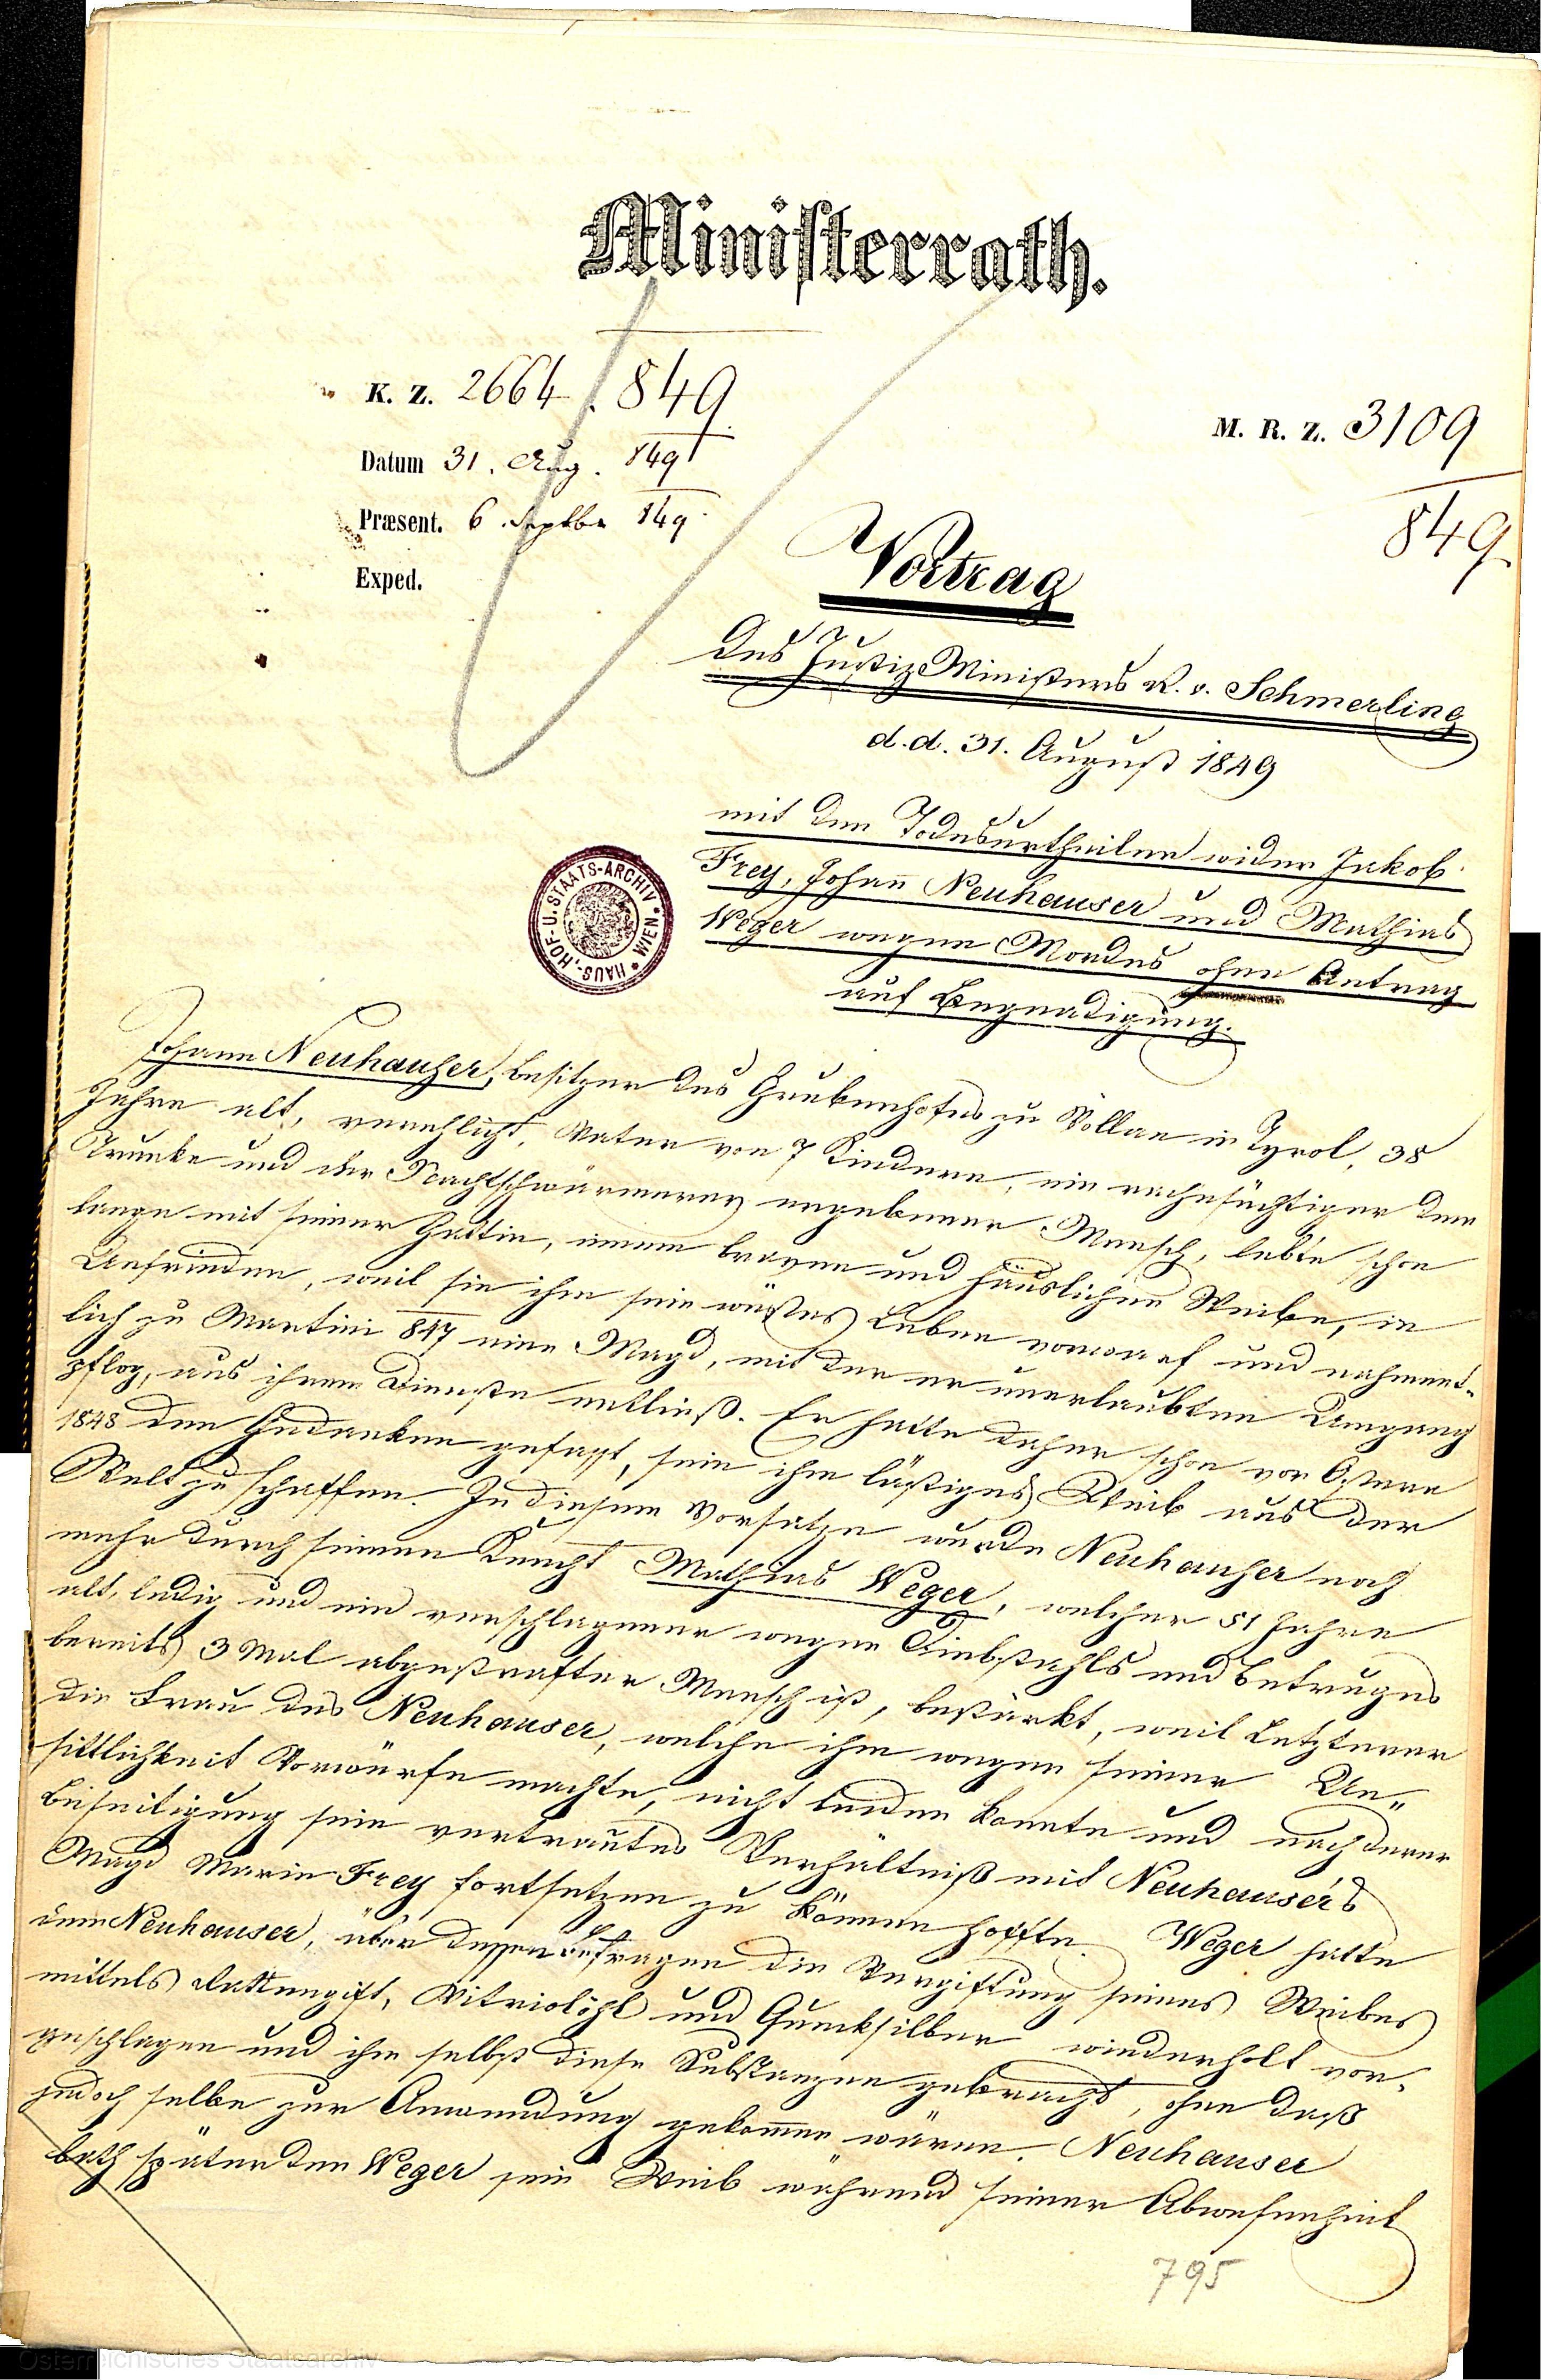Ministerrath
KZ 2664 [1]849
Datum 31. Aug. 1849
Praesent 6. Sept. [1]849
Exped.
MRZ 3109
849
Vortrag
des Justiz-Ministers R. v. Schmerling
dd. 31 August 1849
mit dem Todesurtheilen wider Jakob
Frey, Johann Neuhauser und Mathias
Weger wegen Mordes ohne Antrag
auf Begnadigung
Johann Neuhauser, Besitzer des Grubenhofes zu Vollan in Tyrol, 38
Jahre alt, verehlicht, Vater von 7 Kindern, eine rachesüchtiger dem
Trunke und der Nachtschwärmerey ergebener Mensch, lebte schon
lange mit seiner Gattin, einem braven und häuslichen Weibe, in
Unfrieden, weil sie ihm sein wüstes Leben vorwarf und nahment¬
lich zu Martini 847 eine Magd, mit der er unerlaubten Umgang
pflog, aus ihrem Dienste entließ. Er hatte daher schon vor Ostern
1848 den Gedanken gefasst, sein ihm lästiges Weib aus der
Welt zu schaffen. In diesem Vorsatze wurde Neuhauser noch
mehr durch seinen Knecht Mathias Weger, welcher 51 Jahre
alt, ledig und ein verschlagener wegen Diebstahls und Betruges
bereits 3Mal abgestrafter Mensch ist, bestärkt, weil Letzterer
die Frau des Neuhauser, welche ihm wegen seiner Un¬
sittlichkeit Vorwürfe machte, nicht leiden konnte und nach derer
Beseitigung sein vertrauter Verhältniß mit Neuhauser’s
Magd Marie Frey fortsetzten zu können hoffte. Weger hatte
dem Neuhauser, über dessen Befragen die Vergiftung seines Weibes
mittels Rattengift, Vitriolöhl und Quecksilber wiederholt vor¬
geschlagen und ihm selbst diese Substanzen gebracht, ohne daß
jedoch selbe zur Anwendung gekommen wären. Neuhauser
bath später dem Weger sein Weib während seiner Abwesenheit
795